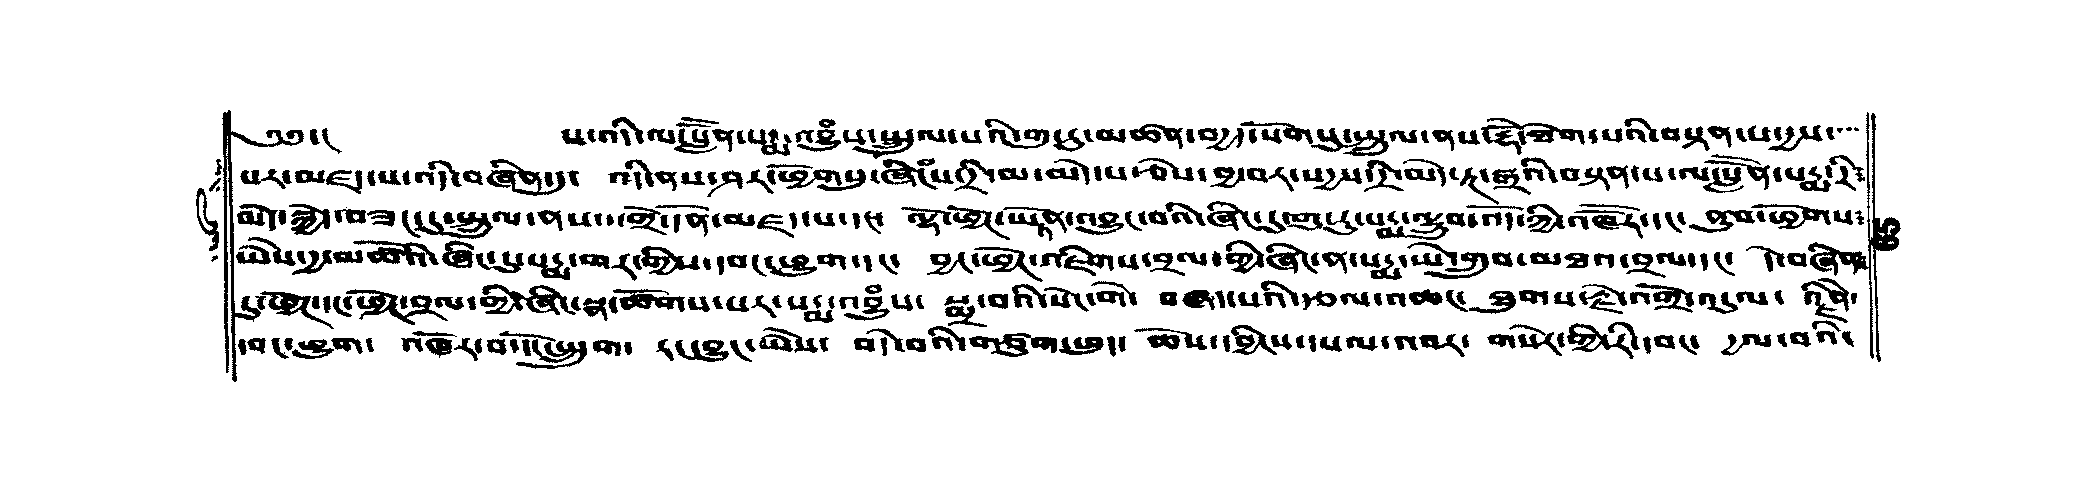པ་འདི་ལ་སློབ་དཔོན་པདྨ་འབྱུང་གནས་སྤྲུལ་པའི་གུ་རུ་མཚན་བརྒྱད་སོགས་སུ་སྤྲུལ་ནས་རྡོ་རྗེ་ཐེག་པའི་བསྟན་པ་རྒྱས་
པར་མཛད་པ་འདི་བཞིན་དུ། འདི་ནས་ཤར་ཤར་ཕྱོགས་སུ་ཞིང་ཁམས་དྲི་མ་མེད་པ་ཅེས་བྱ་བར་སངས་རྒྱས་དྲི་མེད་རྔ་སྒྲའི་བསྟན་པ་ལ་སློབ་དཔོན་པདྨ་དྲི་
མེད་སྐྱེ་བཟང་དུ་སྤྲུལ་ནས་འགྲོ་དོན་མཛད་པ་དང་། ལྷོ་ཕྱོགས་ཡོན་ཏན་འབྱུང་བའི་ཞིང་དུ་གུ་རུ་པདྨ་ལྷུན་གྲུབ་འོད་ཀྱི་འཁོར་ལོ་དང་། ནུབ་ཕྱོགས་
ཡེ་ཤེས་རྒྱ་མཚོའི་ཞིང་དུ་སྣ་ཚོགས་པར་པདྨ་གར་གྱི་དབང་ཕྱུག་དང་། བྱང་ཕྱོགས་འཇིགས་བྲལ་གྱི་ཞིང་ན་པདྨ་ཡེ་གྲུབ་མཐའ་བྲལ་དང་། དེ་བཞིན་
དུ་ཕྱོགས་དང་ཕྱོགས་བྲལ་གྱི་ཞིང་སྣ་ཚོགས་པར་པདྨ་འབྱུང་གནས། སྨྲ་བའི་སེ་གེ་བཞད་པའི་རྩལ་འཆང་། ཐུགས་རྗེ་འགྲོ་འདུལ། འཇིག་རྟེན་
དབང་ཕྱུག་འཁོར་བ་དོང་སྤྲུགས། རང་བྱུང་ཡེ་ཤེས། བདེ་བའི་གཙུག་ཕུད། ཆོས་དབྱིངས་དཔལ་འབར། གསེར་གྱི་རི་དབང་། རྒྱལ་བའི་